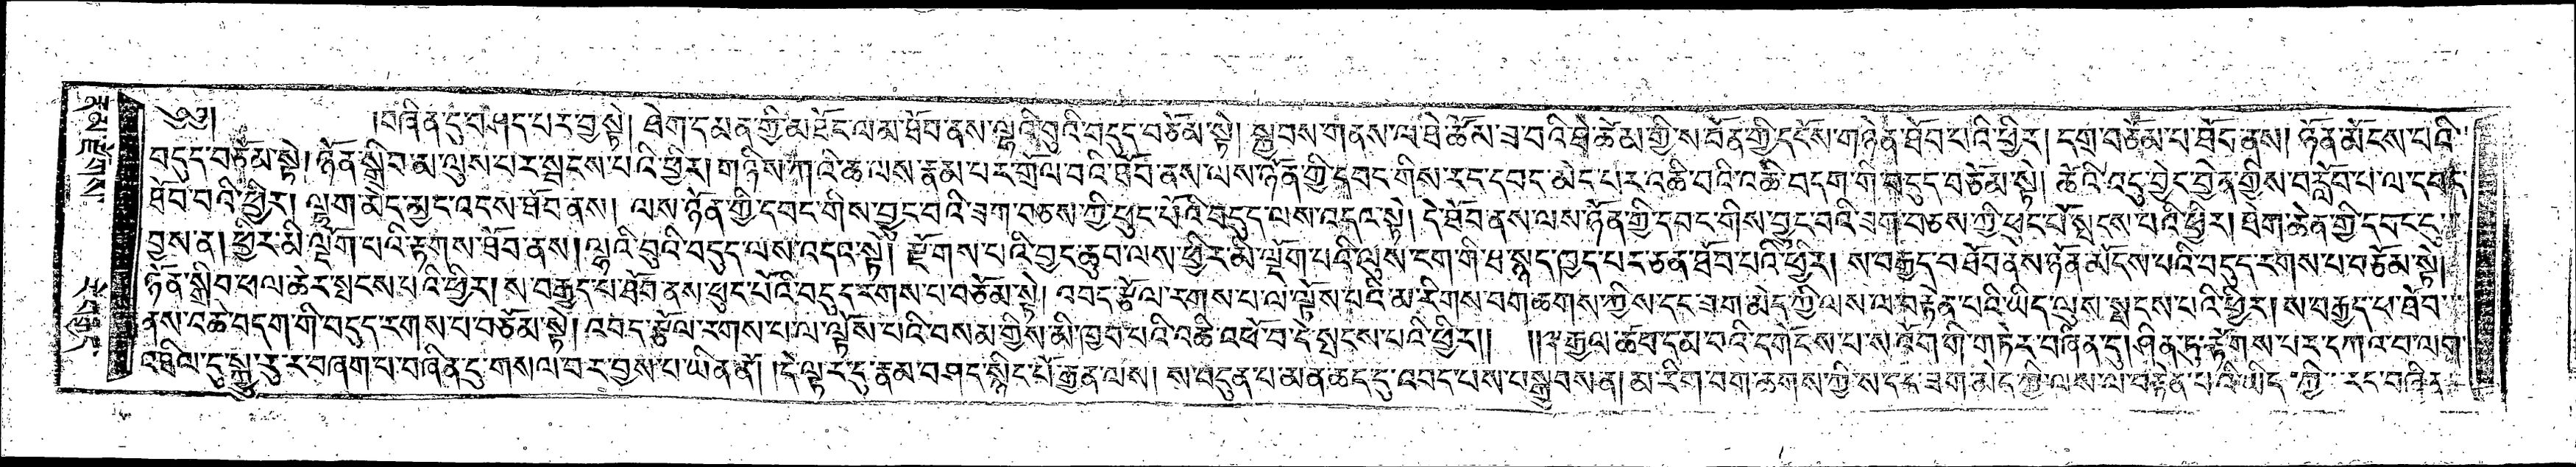༄༅། །བཞིན་དུ་བཤད་པར་བྱ་སྟེ། ཐེག་དམན་གྱི་མཐོང་ལམ་ཐོབ་ནས་ལྷའི་བུའི་བདུད་བཅོམ་སྟེ། སྐྱབས་གནས་ལ་ཐེ་ཚོམ་ཟ་བའི་ཐེ་ཚོམ་གྱི་ས་བོན་གྱི་དངོས་གཉེན་ཐོབ་པའི་ཕྱིར། དགྲ་བཅོམ་པ་ཐོབ་ནས། ཉོན་མོངས་པའི་
བདུད་བཅོམ་སྟེ། ཉོན་སྒྲིབ་མ་ལུས་པར་སྤངས་པའི་ཕྱིར། གཉིས་ཀའི་ཆ་ལས་རྣམ་པར་གྲོལ་བའི་ཐོབ་ནས་ལས་ཉོན་གྱི་དབང་གིས་རང་དབང་མེད་པར་འཆི་བའི་འཆི་བདག་གི་བདག་གི་བདུད་བཅོམ་སྟེ། ཚེའི་འདུ་བྱེད་བྱིན་གྱིས་རློབ་པ་ལ་དབང་
ཐོབ་པའི་ཕྱིར། ལྷག་མེད་མྱང་འདས་ཐོབ་ནས། ལས་ཉོན་གྱི་དབང་གིས་བྱུང་བའི་ཟག་བཅས་ཀྱི་ཕུང་པོའི་བདུད་ལས་འདའ་སྟེ། དེ་ཐོབ་ནས་ལས་ཉོན་གྱི་དབང་གིས་བྱུང་བའི་ཟག་བཅས་ཀྱི་ཕུང་པོ་སྤངས་པའི་ཕྱིར། ཐེག་ཆེན་གྱི་དབང་དུ་
བྱས་ན། ཕྱིར་མི་ལྡོག་པའི་རྟགས་ཐོབ་ནས། ལྷའི་བུའི་བདུད་ལས་འདའ་སྟེ། རྫོགས་པའི་བྱང་ཆུབ་ལས་ཕྱིར་མི་ལྡོག་པའི་ལུས་ངག་གི་ཐ་སྙད་ཁྱད་པར་ཅན་ཐོབ་པའི་ཕྱིར། ས་བརྒྱད་པ་ཐོབ་ནས་ཉོན་མོངས་པའི་བདུད་རགས་པ་བཅོམ་སྟེ།
ཉོན་སྒྲིབ་ཕལ་ཆེར་སྤངས་པའི་ཕྱིར། ས་བརྒྱད་པ་ཐོབ་ནས་ཕུང་པོའི་བདུད་རགས་པ་བཅོམ་སྟེ། འབད་རྩོལ་རགས་པ་ལ་ལྟོས་པའི་མ་རིགས་བག་ཆགས་ཀྱིས་དང་ཟག་མེད་ཀྱི་ལས་ལ་བརྟེན་པའི་ཡིད་ལུས་སྤངས་པའི་ཕྱིར། ས་བརྒྱད་པ་ཐོབ་
ནས་འཆི་བདག་གི་བདུད་རགས་པ་བཅོམ་སྟེ། འབད་རྩོལ་རགས་པ་ལ་ལྟོས་པའི་བསམ་གྱིས་མི་ཁྱབ་པའི་འཆི་འཕོ་བ་དེ་སྤངས་པའི་ཕྱིར།། །།༈རྒྱལ་ཚབ་དམ་པའི་དགོངས་པ་ས་འོག་གི་གཏེར་བཞིན་དུ། ཤིན་ཏུ་རྟོགས་པར་དཀའ་བ་ལག་
འཐིལ་དུ་སྐྱུ་རུ་ར་བཞག་པ་བཞེན་དུ་གསལ་བར་བྱས་པ་ཡིན་ནོ། །དེ་ལྟར་དུ་རྣམ་བཤད་སྙིང་པོ་རྒྱན་ལས། ས་བདུན་པ་མན་ཆད་དུ་འབད་པས་བསྒྲུབས་ན། མ་རིག་བག་ཆགས་ཀྱི་ས་དང་ཟག་མེད་ཀྱི་ལས་ལ་བརྟེན་པའི་ཡིད་ཀྱི་རང་བཞིན་